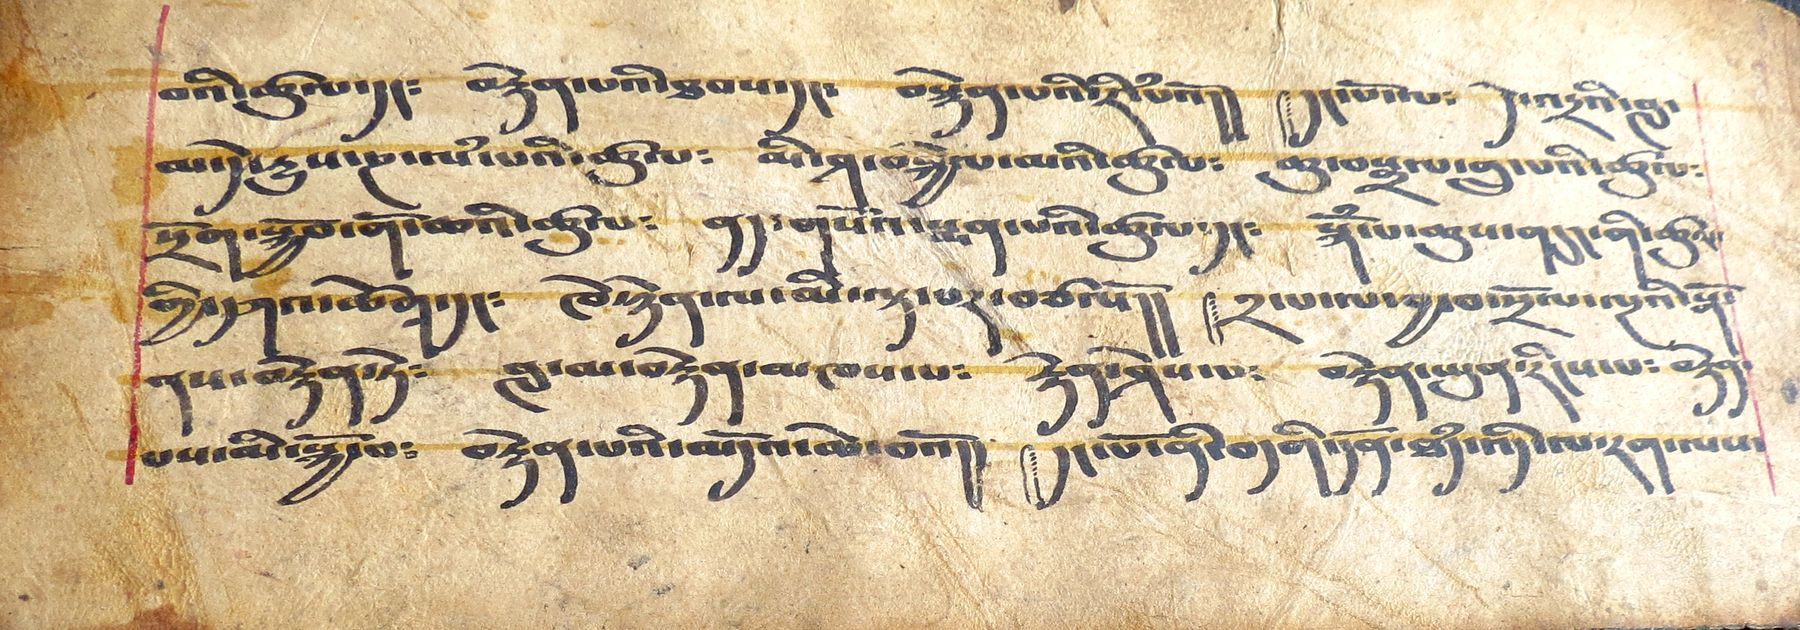བའི་ཚུལ་དང་། བསྟེན་པའི་ཐབས་དང་། བསྙེན་པའི་རིམ་པའོ། ། དང་པོ་ལ། དེ་འདྲའི་བླ་
མ་དེ། རྒྱུས་མེད་ལམ་པའི་ཚུལ། མི་ཤ་སྐྱེལ་མའི་ཚུལ། ཆུ་སྒྲོལ་གྲུ་པའི་ཚུལ། 
སྲོག་སྐྱོབ་གོ་ཆའི་ཚུལ། ནད་གསོ་སྨན་པའི་ཚུལ་དང་། སྐོམ་པ་ཆུས་གདུང་བའི་ཚུལ་
གྱིས་དཀའ་ཚེགས་དང་། ཁེ་ཉེན་ལ་མི་ལྟ་བར་བཙལ་ལོ། ། གཉིས་པ་༼བསྟེན་པའི་ཐབས༽ལ། བྱ་བ་སྲོལ་ལྔའི་སྒོ་
ནས་བསྟེན་ཏེ་བླ་མ་བསྟེན་མཁས་པ། བསྟེན་ཤེས་པ། བསྟེན་ཡུན་རིང་བ། བསྟེན་
པས་མི་སྐྱོ་བ། བསྟེན་པའི་མདོ་ཆེ་བའོ། དང་པོ་༼བསྟེན་མཁས་པ༽ནི། བདག་གི་དོན་ཐམས་ཅད་འདི་ལ་རག་ལས་